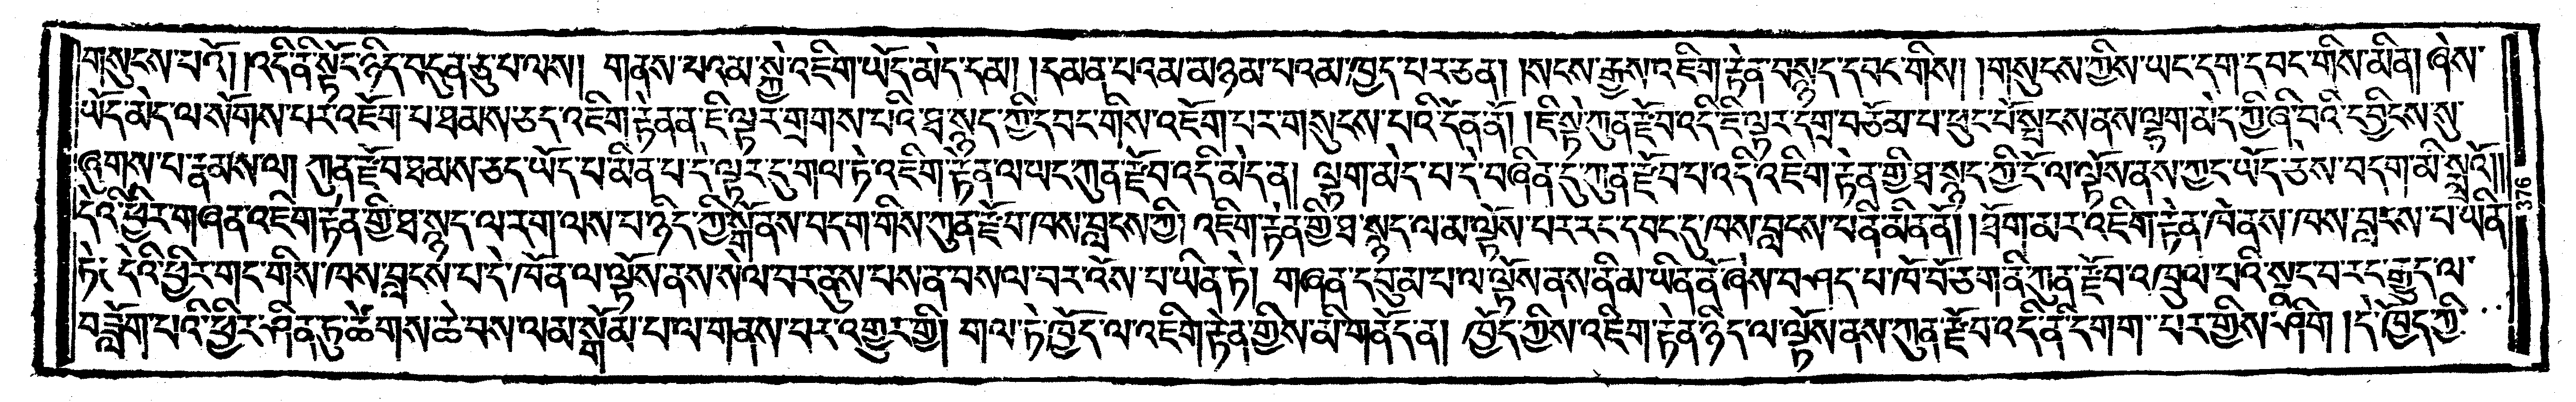གསུངས་པའོ། །འདི་ནི་སྟོང་ཉིད་བདུན་ཅུ་པ་ལས། གནས་པའམ་སྐྱེ་འཇིག་ཡོད་མེད་དམ། །དམན་པའམ་མཉམ་པའམ་ཁྱད་པར་ཅན། །སངས་རྒྱས་འཇིག་རྟེན་བསྙད་དབང་གིས། །གསུངས་ཀྱིས་ཡང་དག་དབང་གིས་མིན། ཞེས་
ཡོད་མེད་ལ་སོགས་པར་འཇོག་པ་ཐམས་ཅད་འཇིག་རྟེན་ན་ཇི་ལྟར་གྲགས་པའི་ཐ་སྙད་ཀྱི་དབང་གིས་འཇོག་པར་གསུངས་པའི་དོན་ནོ། །ཇི་སྟེ་ཀུན་རྫོབ་འདི་ཇི་ལྟར་དགྲ་བཅོམ་པ་ཕུང་བོ་སྤངས་ནས་ལྷག་མེད་ཀྱི་ཞི་བའི་དབྱིངས་སུ་
ཞུགས་པ་རྣམས་ལ། ཀུན་རྫོབ་ཐམས་ཅད་ཡོད་པ་མིན་པ་དེ་ལྟར་དུ་གལ་ཏེ་འཇིག་རྟེན་ལ་ཡང་ཀུན་རྫོབ་འདི་མེད་ན། ལྷག་མེད་པ་དེ་བཞིན་དུ་ཀུན་རྫོབ་པ་འདི་འཇིག་རྟེན་གྱི་ཐ་སྙད་ཀྱི་ངོ་ལ་ལྟོས་ནས་ཀྱང་ཡོད་ཅེས་བདག་མི་སྨྲའོ།།
དེའི་ཕྱིར་གཞན་འཇིག་རྟེན་གྱི་ཐ་སྙད་ལ་རག་ལས་པ་ཉིད་ཀྱི་སྒོ་ནས་བདག་གིས་ཀུན་རྫོབ་ཁས་བླངས་ཀྱི། འཇིག་རྟེན་གྱི་ཐ་སྙད་ལ་མ་ལྟོས་པར་རང་དབང་དུ་ཁས་བླངས་པ་ནི་མིན་ནོ། །ཐོག་མར་འཇིག་རྟེན་ཁོ་ནས་ཁས་བླངས་པ་ཡིན་
ཏེ༑ དེའི་ཕྱིར་གང་གིས་ཁས་བླངས་པ་དེ་ཁོ་ན་ལ་ལྟོས་ནས་སེལ་བར་ནུས་པས་ན་བསལ་བར་འོས་པ་ཡིན་ཏེ། གཞན་དབུ་མ་པ་ལ་ལྟོས་ནས་ནི་མ་ཡིན་ནོ་ཞེས་བཤད་པ་ཁོ་བོ་ཅག་ནི་ཀུན་རྫོབ་འཁྲུལ་པའི་སྣང་བ་རང་རྒྱུད་ལ་
བཟློག་པའི་ཕྱིར་ཤིན་ཏུ་ཚེགས་ཆེ་བས་ལམ་སྒོམ་པ་ལ་གནས་པར་འགྱུར་གྱི། གལ་ཏེ་ཁྱོད་ལ་འཇིག་རྟེན་གྱིས་མི་གནོད་ན། ཁྱོད་ཀྱིས་འཇིག་རྟེན་ཉིད་ལ་ལྟོས་ནས་ཀུན་རྫོབ་འདི་ནི་དགག་པར་གྱིས་ཤིག །དེ་ཁྱོད་ཀྱི་